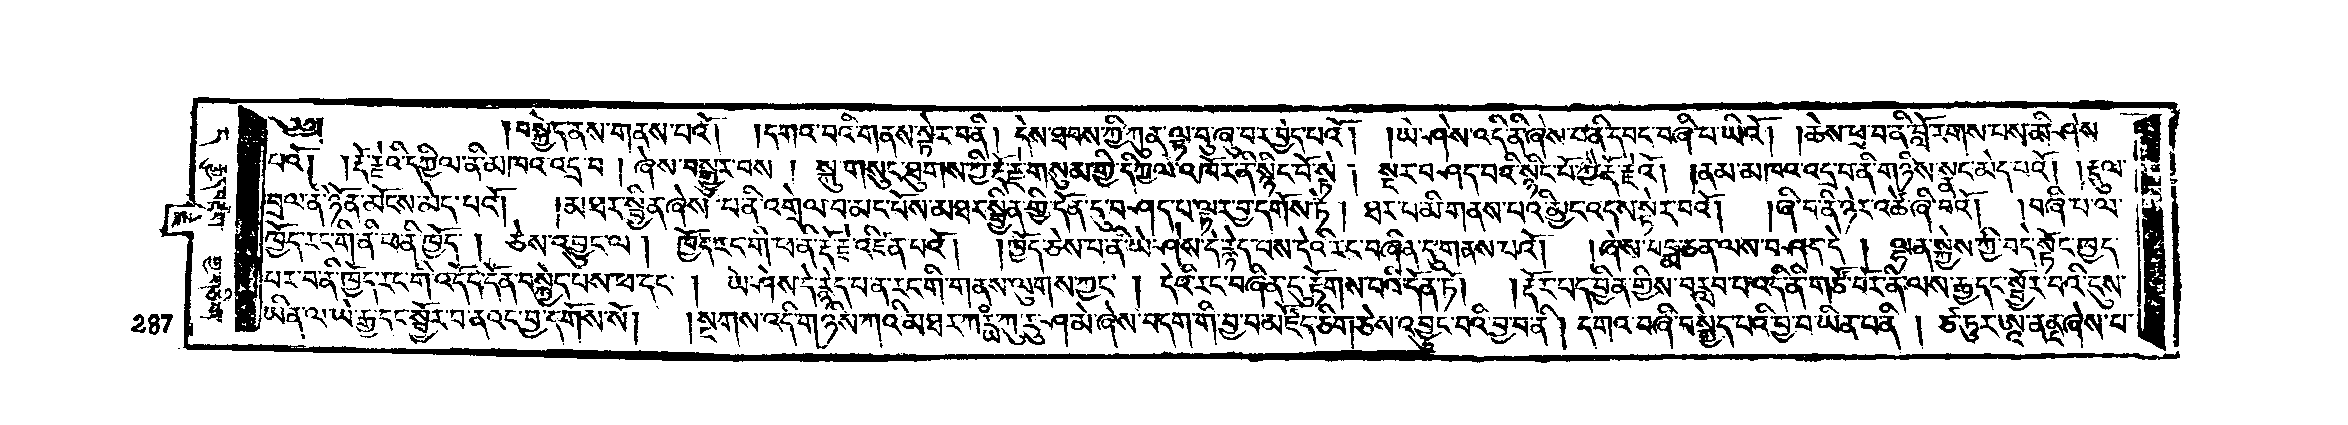༄༅། །བསྐྱེད་ནས་གནས་པའོ། །དགའ་བའི་གནས་སྟེར་བ་ནི། དེས་ཐབས་ཀྱི་ཀུན་ལྟ་བུ་ཞུ་བར་བྱེད་པའོ། །ཡེ་ཤེས་འདི་ནི་ཞེས་པ་ནི་དབང་བཞི་པ་ཡིའོ། །ཆེས་ཕྲ་བ་ནི་བློ་རགས་པས་མི་ཤེས་
པའོ། །རྡོ་རྗེའི་དཀྱིལ་ནི་མཁའ་འདྲ་བ། ཞེས་བསྒྱུར་བས། སྐུ་གསུང་ཐུགས་ཀྱི་རྡོ་རྗེ་གསུམ་གྱི་དཀྱིལ་འཁོར་ནི་སྙིང་པོ་སྟེ། སྔར་བཤད་པའི་སྙིང་པོ་ཀྱཻ་རྡོ་རྗེའོ། །ནམ་མཁའ་འདྲ་བ་ནི་གཉིས་སྣང་མེད་པའོ། །རྡུལ་
བྲལ་ནི་ཉོན་མོངས་མེད་པའོ། །མཐར་སྦྱིན་ཞེས་པ་ནི་འགྲེལ་པ་མང་པོས་མཐར་སྦྱིན་གྱི་དོན་དུ་བཤད་པ་ལྟར་བྱ་དགོས་ཏེ། ཐར་པ་མི་གནས་པའི་མྱང་འདས་སྟེར་བའོ། །ཞི་བ་ནི་ཉེར་འཚེ་ཞི་བའོ། །བཞི་པ་ལ་
ཁྱོད་རང་གི་ནི་ཕ་ནི་ཁྱོད། ཅེས་འབྱུང་ལ། ཁྱོད་རང་གི་ཕ་ནི་རྡོ་རྗེ་འཛིན་པའོ། །ཁྱོད་ཅེས་པ་ནི་ཡེ་ཤེས་དེ་རྙེད་པས་དེའི་རང་བཞིན་དུ་གནས་པའོ། །ཞེས་པདམ་ཅན་ལས་བཤད་དེ། ལྷན་སྐྱེས་ཀྱི་བདེ་སྟོང་ཁྱད་
པར་བ་ནི་ཁྱོད་རང་གི་འདོད་དོན་བསྐྱེད་པས་ཕ་དང་། ཡེ་ཤེས་དེ་རྙེད་པ་ན་རང་གི་གནས་ལུགས་ཀྱང་། དེའི་རང་བཞིན་དུ་རྟོགས་པའི་དོན་ཏོ། །རྡོར་པད་བྱིན་གྱིས་བརླབ་པ་འདི་ནི་གཙོ་བོར་ནི་ལས་རྒྱ་དང་སྦྱོར་བའི་དུས་
ཡིན་ལ་ཡེ་རྒྱ་དང་སྦྱོར་བ་ནའང་བྱ་དགོས་སོ། །སྔགས་འདི་གཉིས་ཀའི་མཐར་ཀརྱཾ་ཀུ་རུ་ཤ་མེ་ཞེས་བདག་གི་བྱ་བ་མཛོད་ཅིག་ཅེས་འབྱུང་བའི་བྱ་བ་ནི། དགའ་བཞི་བསྐྱེད་པའི་བྱ་བ་ཡིན་པ་ནི། ཙ་ཏུར་ཨཱ་ནནྡ་ཞེས་པ་